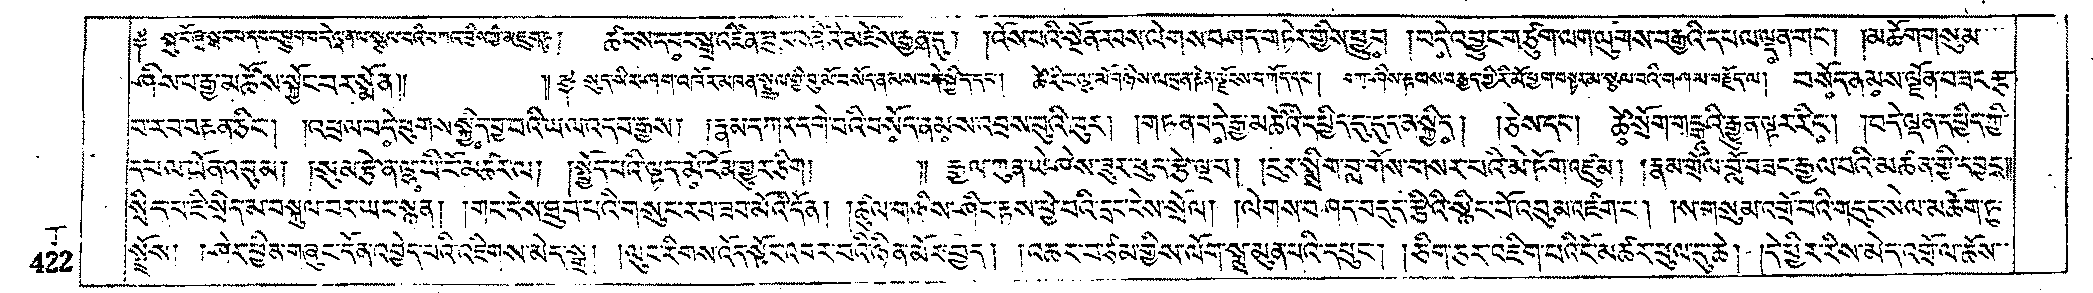འ་སྐུ་ངོ་ཞྭ་སྒབ་པ་དབང་ཕྱུག་བདེ་ལྡན་ལ་སྩལ་བའི་བཀའ་བྲིས་ཀྱི་མཇུག་ཏུ། ཚངས་དབང྾་སྒྲ་འཛིན་ཟུང་བཞིའི་མཛེས་རྒྱན་དུ། །འོས་པའི་སྔོན་རབས་ལེགས་བཤད་གཏེར་གྱིས་ཕྱུག྾་།བདེ྾་འབྱུང་གཙུག་ལག་ལུགས་བརྒྱའི་དཔལ་ལྡན྾་གང་། །མཆོག་གསུམ་་་
ཤིས་པ་རྒྱ་མཚོས་སྐྱོང་བར་སྨོན།། །།འ་སུད་སིར་ཤག་འཁོར་མཁན་སྤྲུལ་གྱི་བུ་མོ་བསོད་ནམས་བདེ་སྐྱིད་དང་། ཚེ་རིང་ལྷ་མོ་གཉིས་ལ་དྲན་རྟེན་ལྗོངས་བཀོད་དང་། བཀྲ་ཤིས་རྟགས་བརྒྱད་ཀྱི་རི་མོ་ཕྱག་བསྟར་མ་སྩལ་བའི་གཤམ་བརྗོད་ལ།  བསོད྾་ནམས྾་ལྗོན་བཟང་རྩ་
བ་རབ་བརྟན་ཅིང་། །འཕྲལ་བདེ྾་ཕུགས་སྐྱིད྾་བྱ་བའི་ཡལ་འདབ་རྒྱས། །རྣམ་དཀར་དགེ་བའི་བསོད྾་ནམས྾་འབྲས་བུའི་ཁུར། །གཏན་བདེ྾་རྒྱ་མཚོའི་དཔྱིད་དུ་དུད་ན་སྐྱིད྾། །ཅེས་དང་། ཚེ྾་སྲོག་གངྒཱའི་རྒྱུན་ལྟར་རིང྾། །བདེ་ལྡན་དཔྱིད་ཀྱི་
དཔལ་ཡོན་འབུམ། །སུམ་རྩེན་ལྷ྾་ཡི་ངོ་མཚར་ལ། །སྤྱོད་པའི་ལྟད་མོ྾་ངོམ་གྱུར་ཅིག། །།རྒྱལ་ཀུན་ཡེ་ཤེས་ཟུར་ཕུད་རྩེ་ལྔ་པ། །ངུར་སྨྲིག་བླ་གོས་གསར་པའི་མེ་ཏོག་འཛུམ། །རྣམ་གྲོལ་བློ་བཟང་རྒྱལ་བའི་མཚན་གྱི་དབྱངས།།
སྲིད་པ་ཇི་སྲིད་མ་བསྐུལ་བར་ཡང་སྙན། །གང་དེས་ཐུབ་པའི་གསུང་རབ་ཟབ་མོའི་དོན། །ཚུལ་གཉིས་ཤིང་རྟས་ཕྱེ་བའི་དྲང་ངེས་སྲོལ། །ལེགས་བཤད་བདུད་རྩིའི་སྙིང་པོ་འབུམ་འཛག་པ། །ས་གསུམ་འགྲོ་བའི་གདུང་སེལ་མཆོག་ཏུ་
སྤྲོས། །ཤེར་ཕྱིན་གཞུང་དོན་འབྱེད་པའི་འཇིགས་མེད་སྒྲ། །ལུང་རིགས་འོད་སྟོང་འབར་བའི་ཉིན་མོར་བྱེད། །འཆར་བ་ཙམ་གྱིས་ལོག་སྨྲ་མུན་པའི་དཔུང་། །ཅིག་ཅར་འཇིག་པའི་ངོ་མཚར་ཕུལ་དུ་ཆེ། །དེ་ཕྱིར་རིས་མེད་འགྲོ་ལ་ཆོས་་་